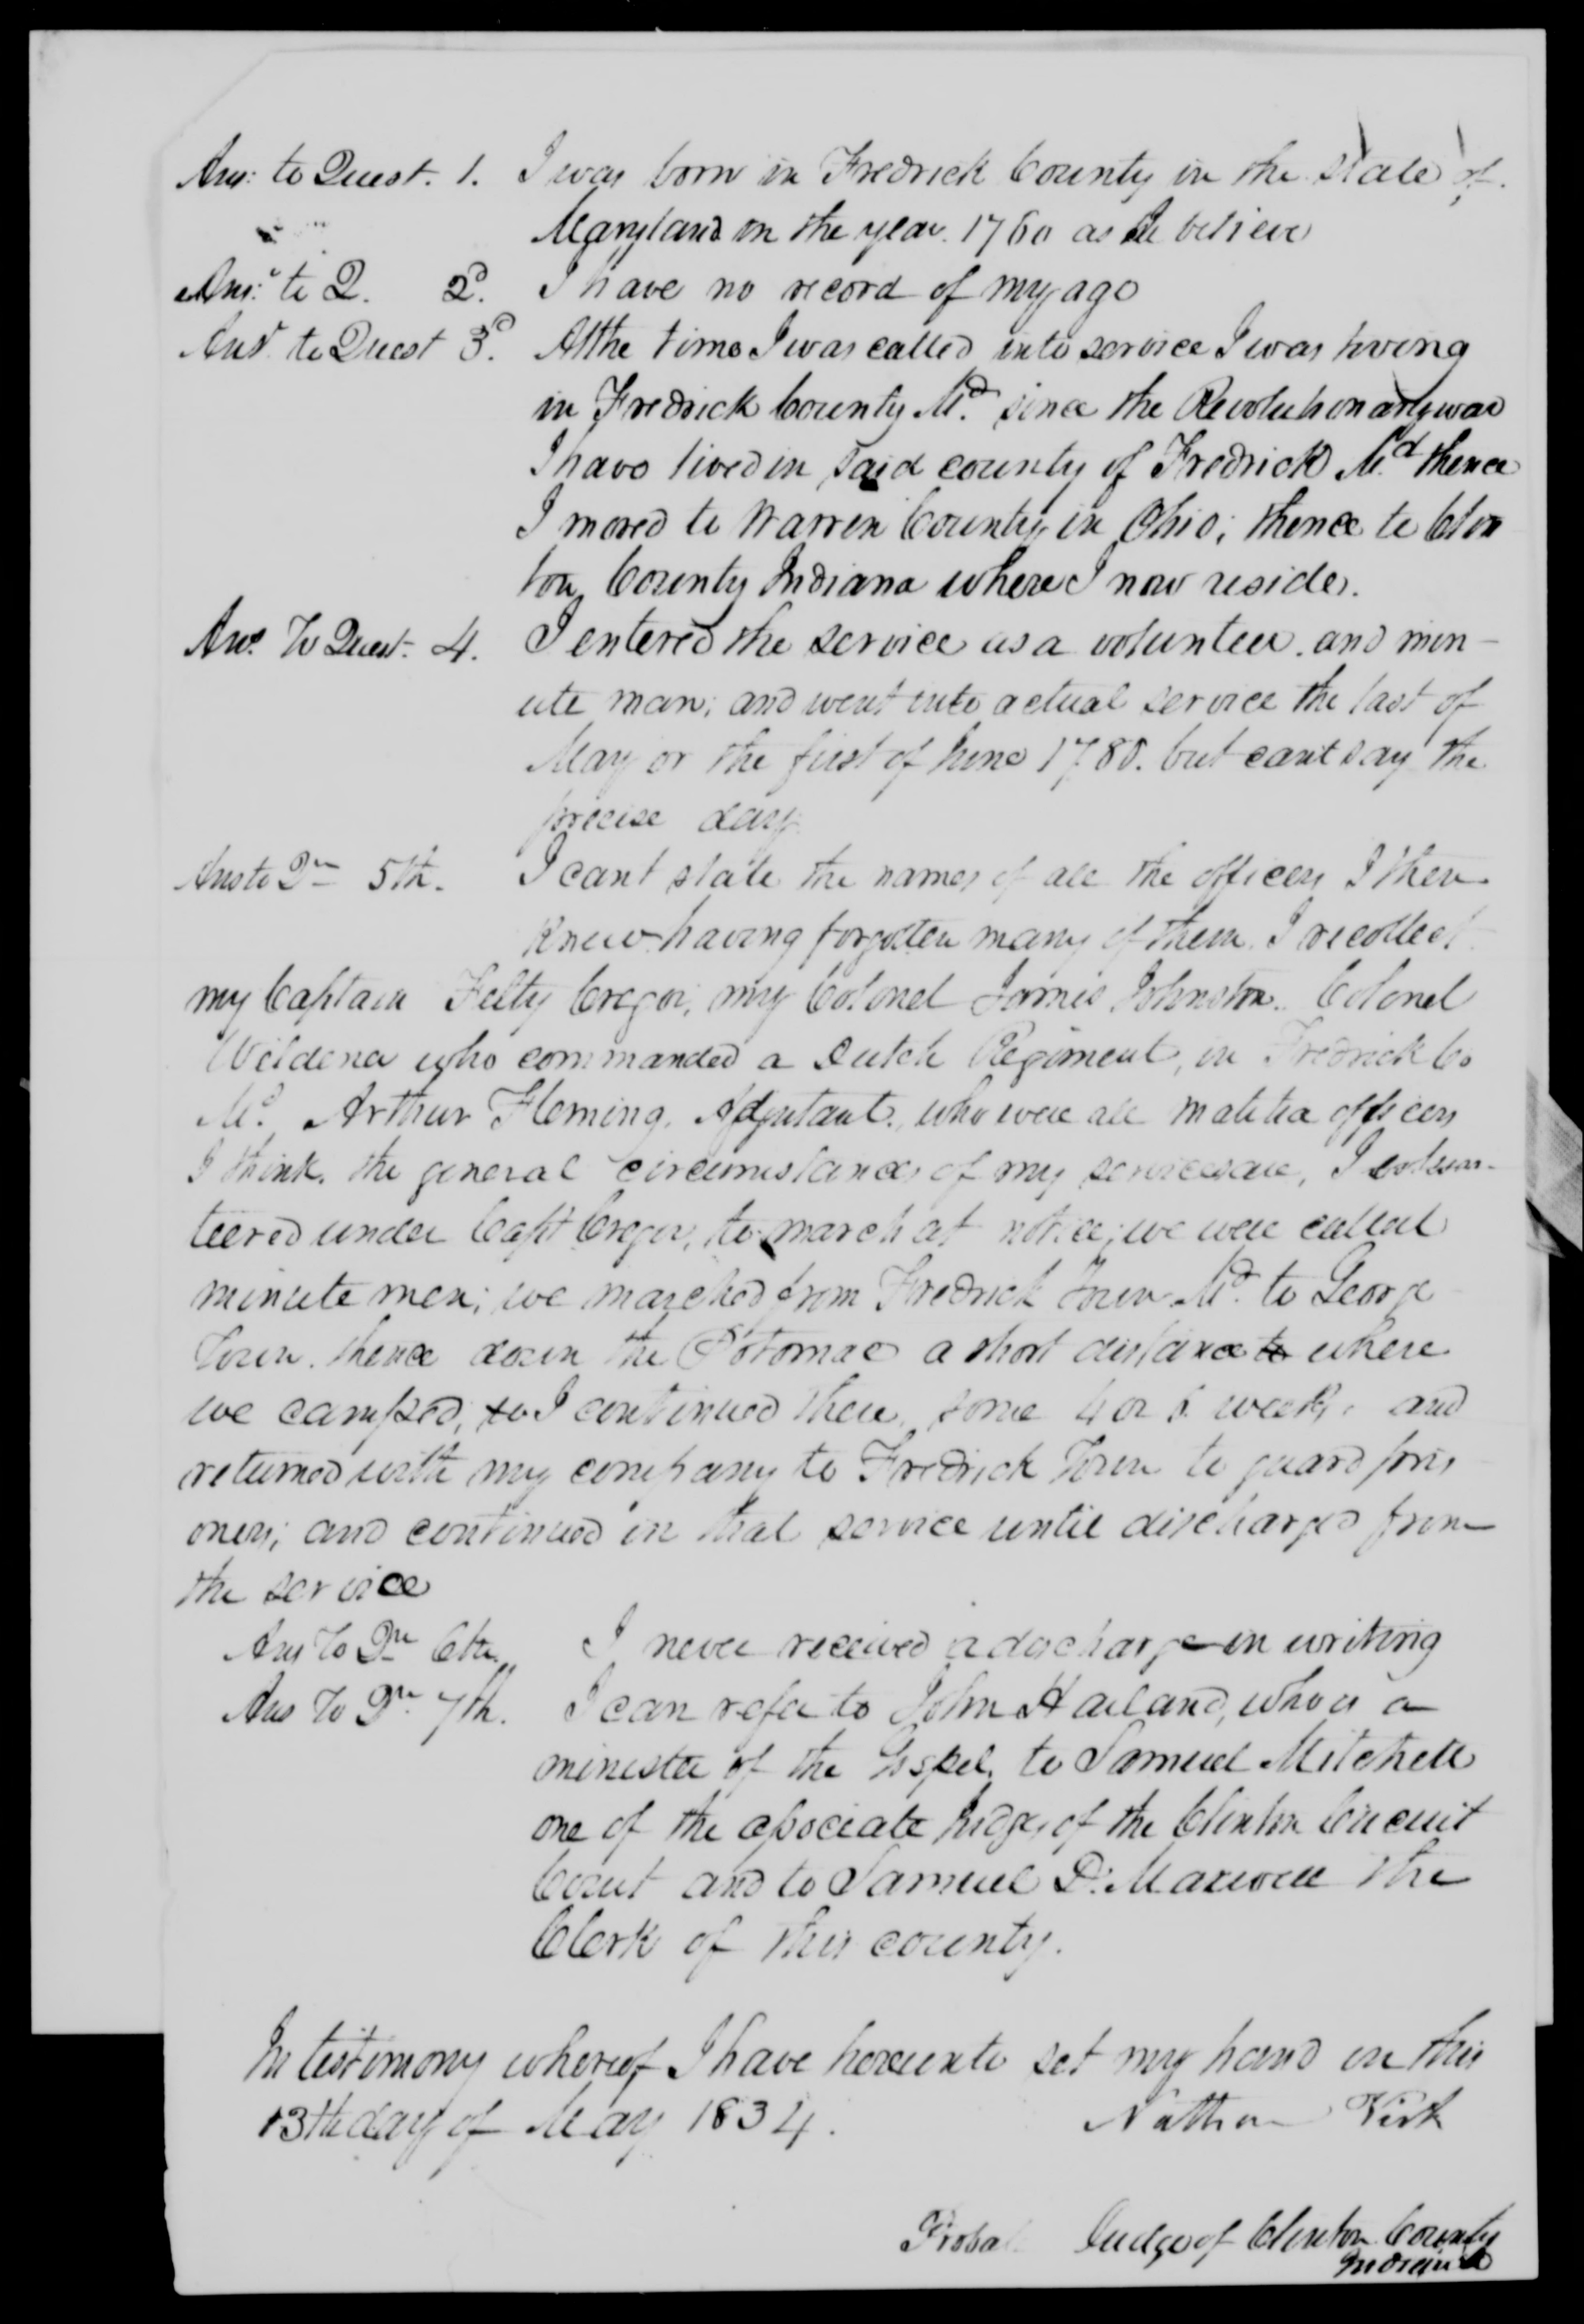Ans to Quest. 1. - I was born in Frederick County in the State of Maryland in the year 1760 as I believe

Ans to Q  2d - I have no record of my age

Ant to Quest 3d -  At the time I was called into service I was living in Frederick County Md. Since the Revolutionary war I have lived in said County of Frederick, thence I moved to Warren County in Ohio, thence to Clinton County Indiana where I now reside

Ans To Ques. 4. - I entered the service as a volunteer and minute man; and went into actual service the last of May or the first of June 1780 but cant say the
precise day.
Ans to Q’n 5th - I can’t state the names of all the officers I then knew, having forgotten many of them. I recollect my Captain Felty Cregor, my Colonel James Johnston, Colonel  Weldena who commanded a Dutch Regiment, in Fredrick Co
Md. Arthur Fleming, Adjutant who were all malitia officers. I think the general circumstance of my services are, I volunteered
under Capt Cregor, to march at notice; we were called minute men, we marched from Frederick Town Md to George Town, thence down the Potomac a short distance to where
we campe, & I continued there some 4 or 6 weeks, and returned with my company to Fredrick Town to guard prisoners, and continued in that service until discharged from the service.

Ans to Q’n 6th - I never received a discharge in writing

Ans to Q’n 7th - I can refer to John Harland, who is a
minister of the Gospel, to Samuel Mitchell
one of the associate Judges of the Clinton Circuit
Court and to Samuel P Marwell the Clerk of this County

In testimony whereof I have hereunto set my hand in this 13th day of May 1834
Nathan Fisk
Probate Judge of Clinton County Indiana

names: Samuel Mitchell, Felty Cregor, Samuel D Maxwell, James Johnston, Arthur Fleming, John Harland, Nathan Kirk, Wildena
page: 10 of 123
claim: rejected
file: R. 11,949, Matthias Young, Md.